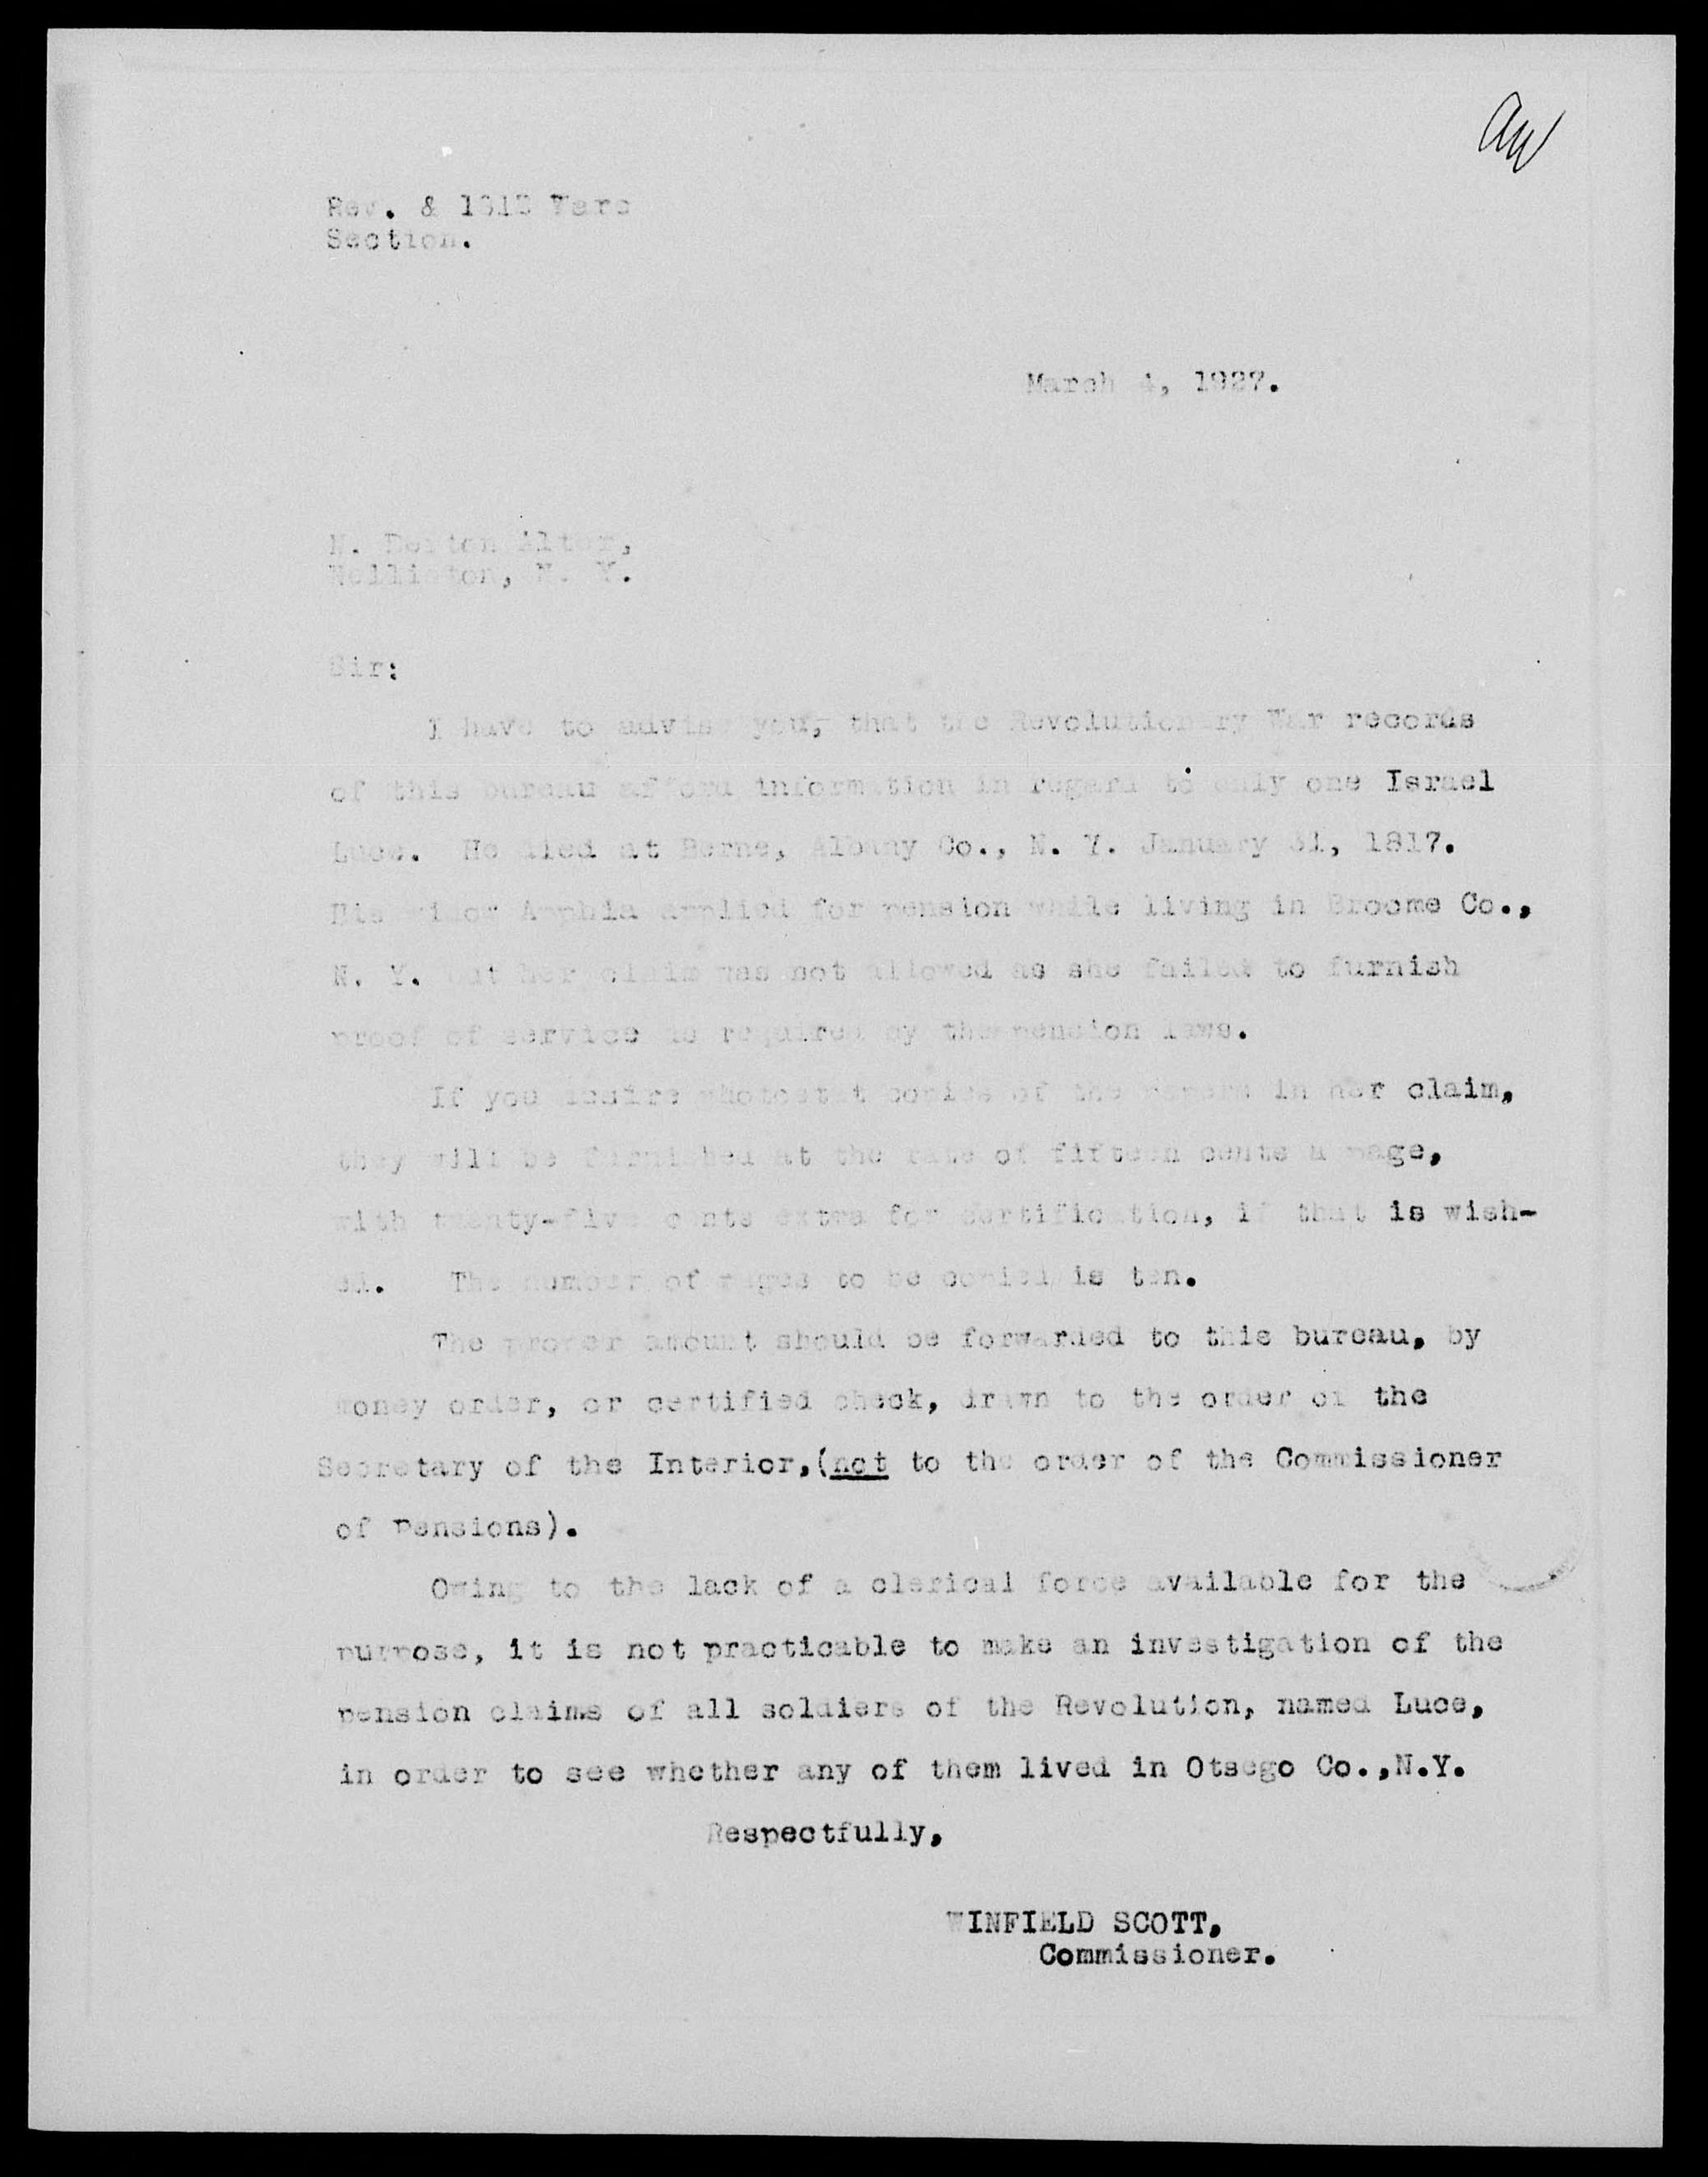Rev. & 1812 Wars
Section.

March 4, 1927.

H. Burton Alton,
Nelliston, N. Y.

Sir:  

I have to advise you, that the Revolutionary War records of this bureau afford information in regard to only one Israel Luce.  He died at Berne, Albany Co., N. Y. January 31.1817.  His sister Apphia applied for pension while living in Broome Co., N. Y. but her claim was not allowed as she failed to furnish proof of service as required by the pension [illegible].

If you desire photostat copies of the papers in her claim, they will be furnished at the rate of fifteen cents a page with twenty-five cents extra for certification, if that is wished.  The number of pages to be copied is ten.

The proper amount should be forwarded to this bureau, by money order, or certified check, drawn to the order of the Secretary of the Interior, (not to the order of the Commissioner of Pensions).

Owing to the lack of a clerical force available for the purpose, it is not practicable to make an investigation of the pension claims of all soldiers of the Revolution, named Luce, in order to see whether any of them lived in Otsego Co., N. Y. 

Respectfully,

WINFIELD SCOTT,
Commissioner.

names: Israel Luce; [BLANK] Luce; H Burton Alston; Winfield Scott; Apphia [BLANK]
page: 38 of 70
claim: rejected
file: R. 6510, for Israel Luce, New York